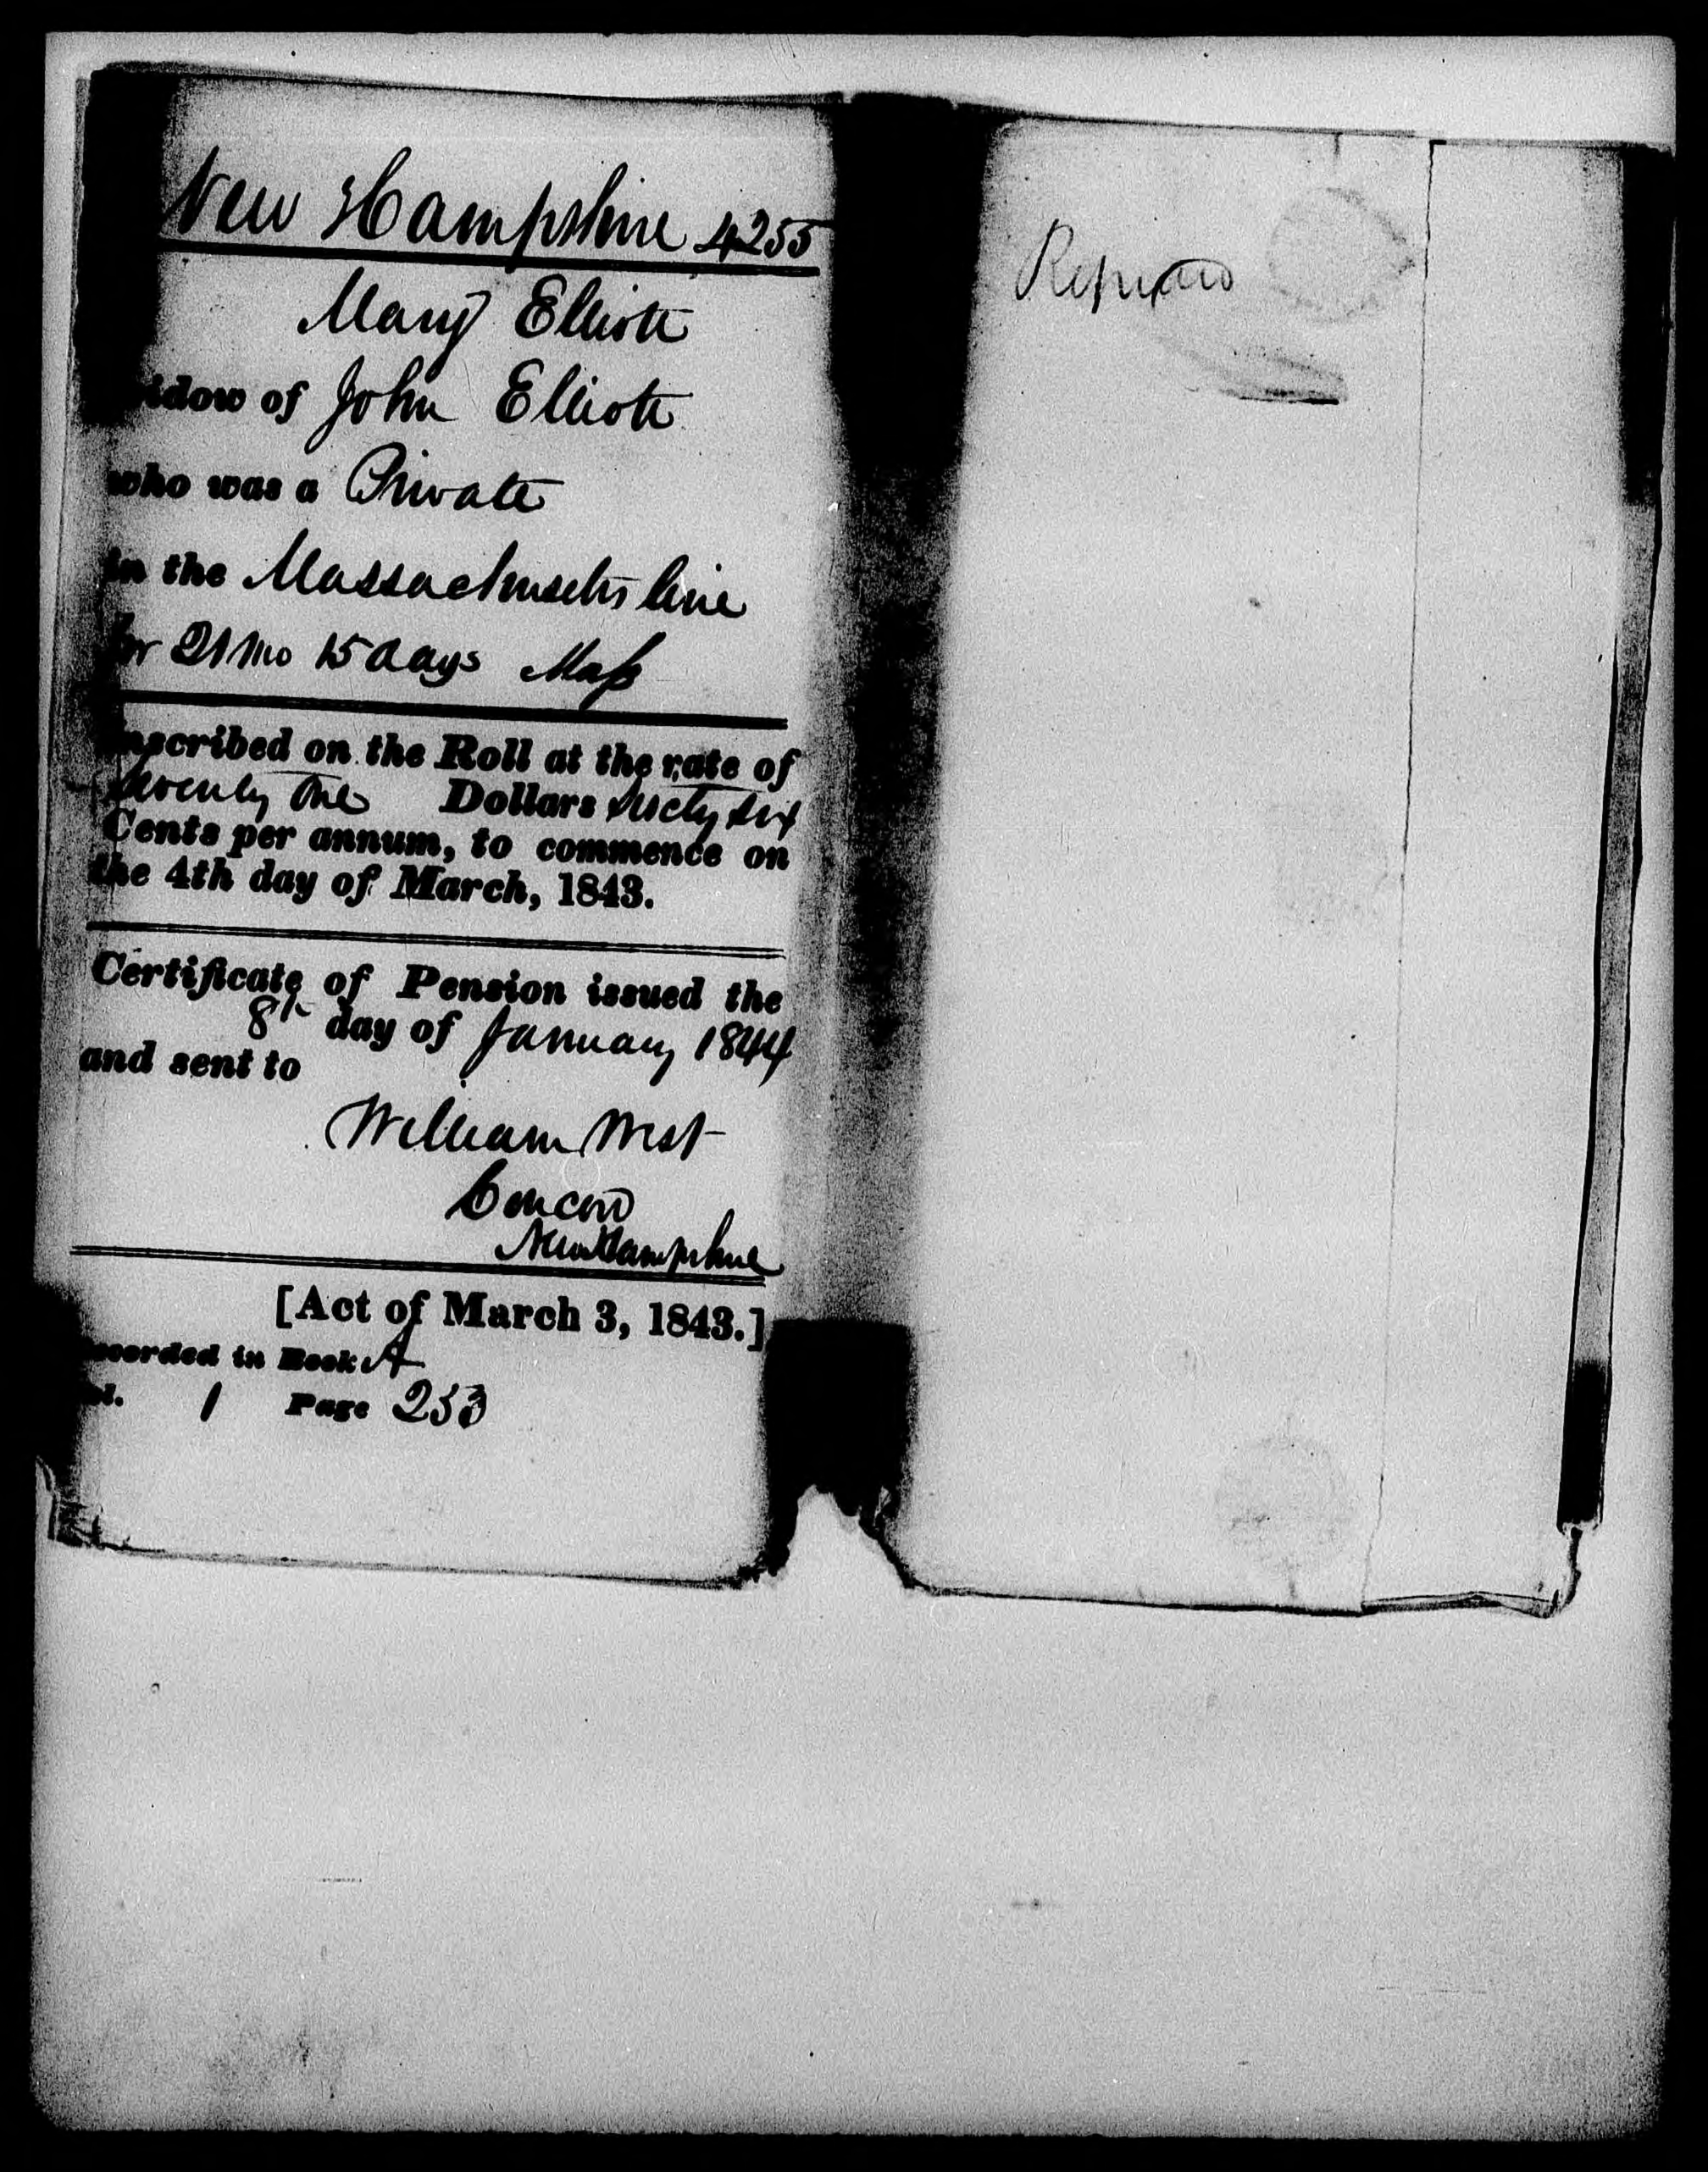New Hampshire 4255
Mary Elliott
widow of John Elliott who was a Private in the Massachusetts line for 21 Mo 15 days Mass
Inscribed on the Roll at the rate of Seventy One Dollars Sicty six Cents per annum, to commence on the 4th day of March, 1843.
Certificate of Pension issued the 8th day of January, 1844 and sent to William West
Concord New Hampshire
Act of March 3, 1843.
Recorded in Book A
Vol. 1 Page 230
Repaid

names: Mary Elliott, John Elliott, William West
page: 3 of 57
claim: widow's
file: W. 16,114, John Elliot, Continental (Mass) N.H.